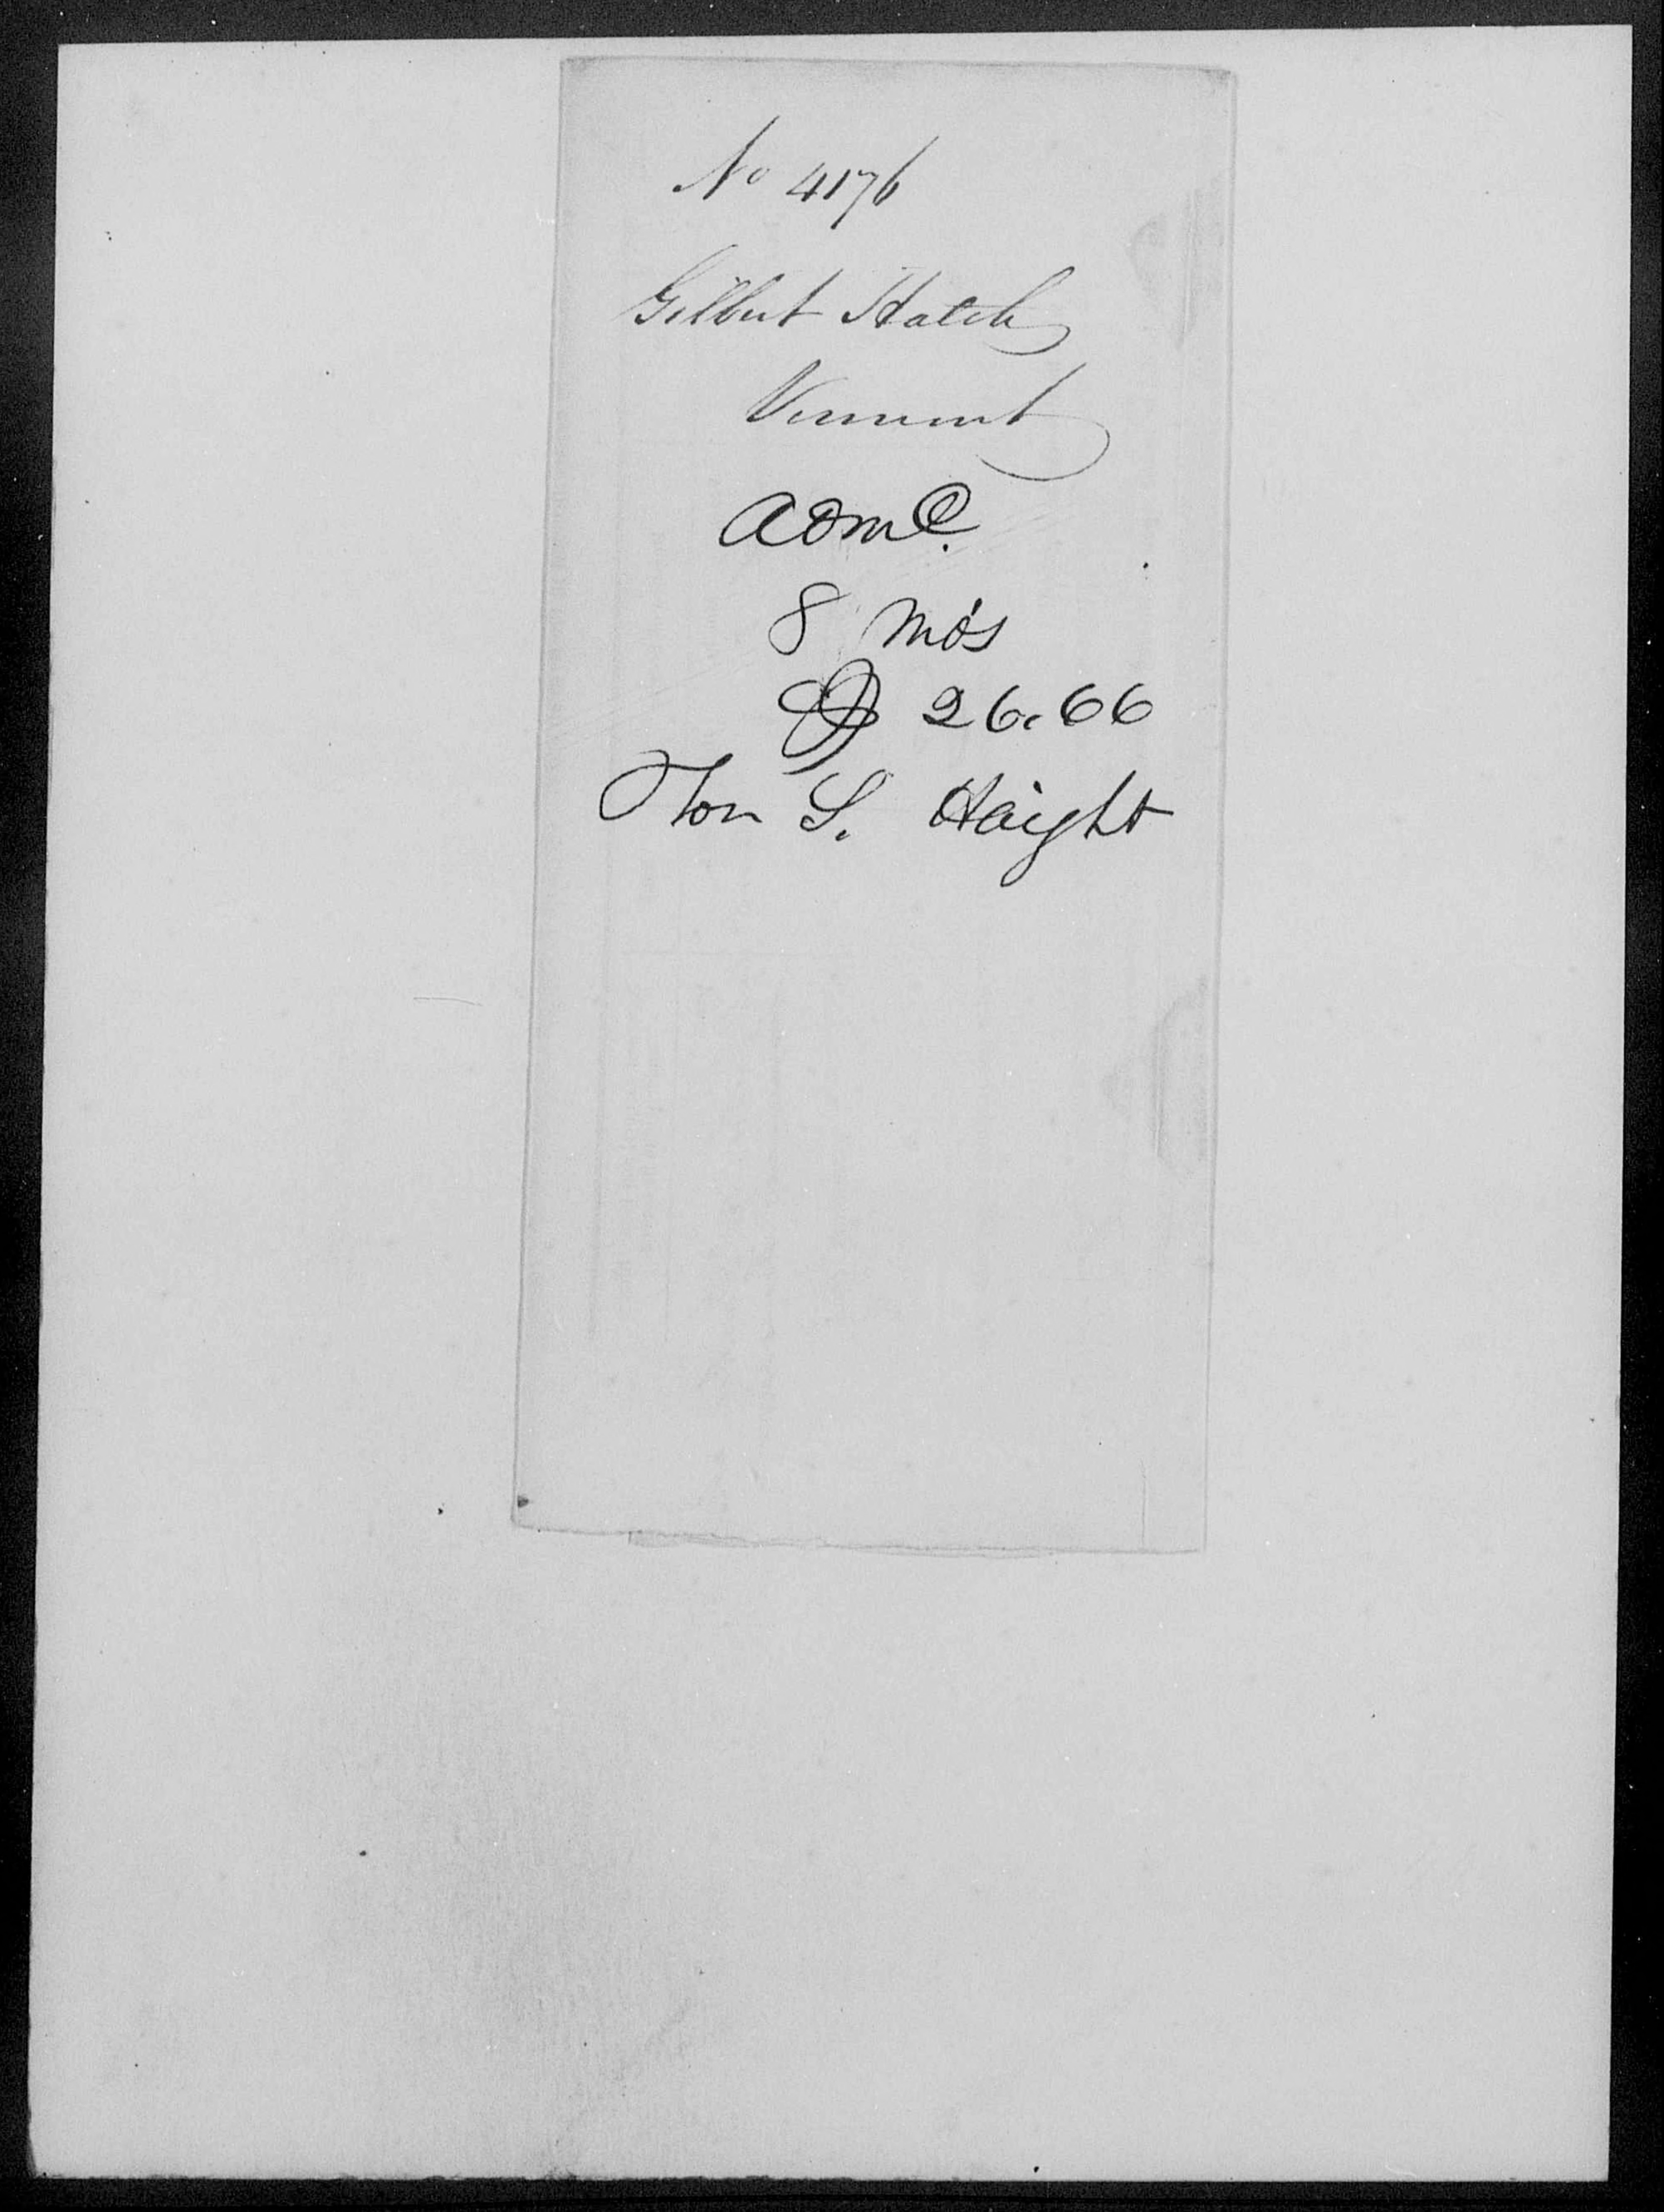No 4176
Gilbert Hatch
Vermont
aoml?
8 mos
$26.66
Hon S. Haight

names: S Haight, Gilbert Hatch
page: 15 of 47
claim: widow's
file: W. 225, Gilbert Hatch, Conn.